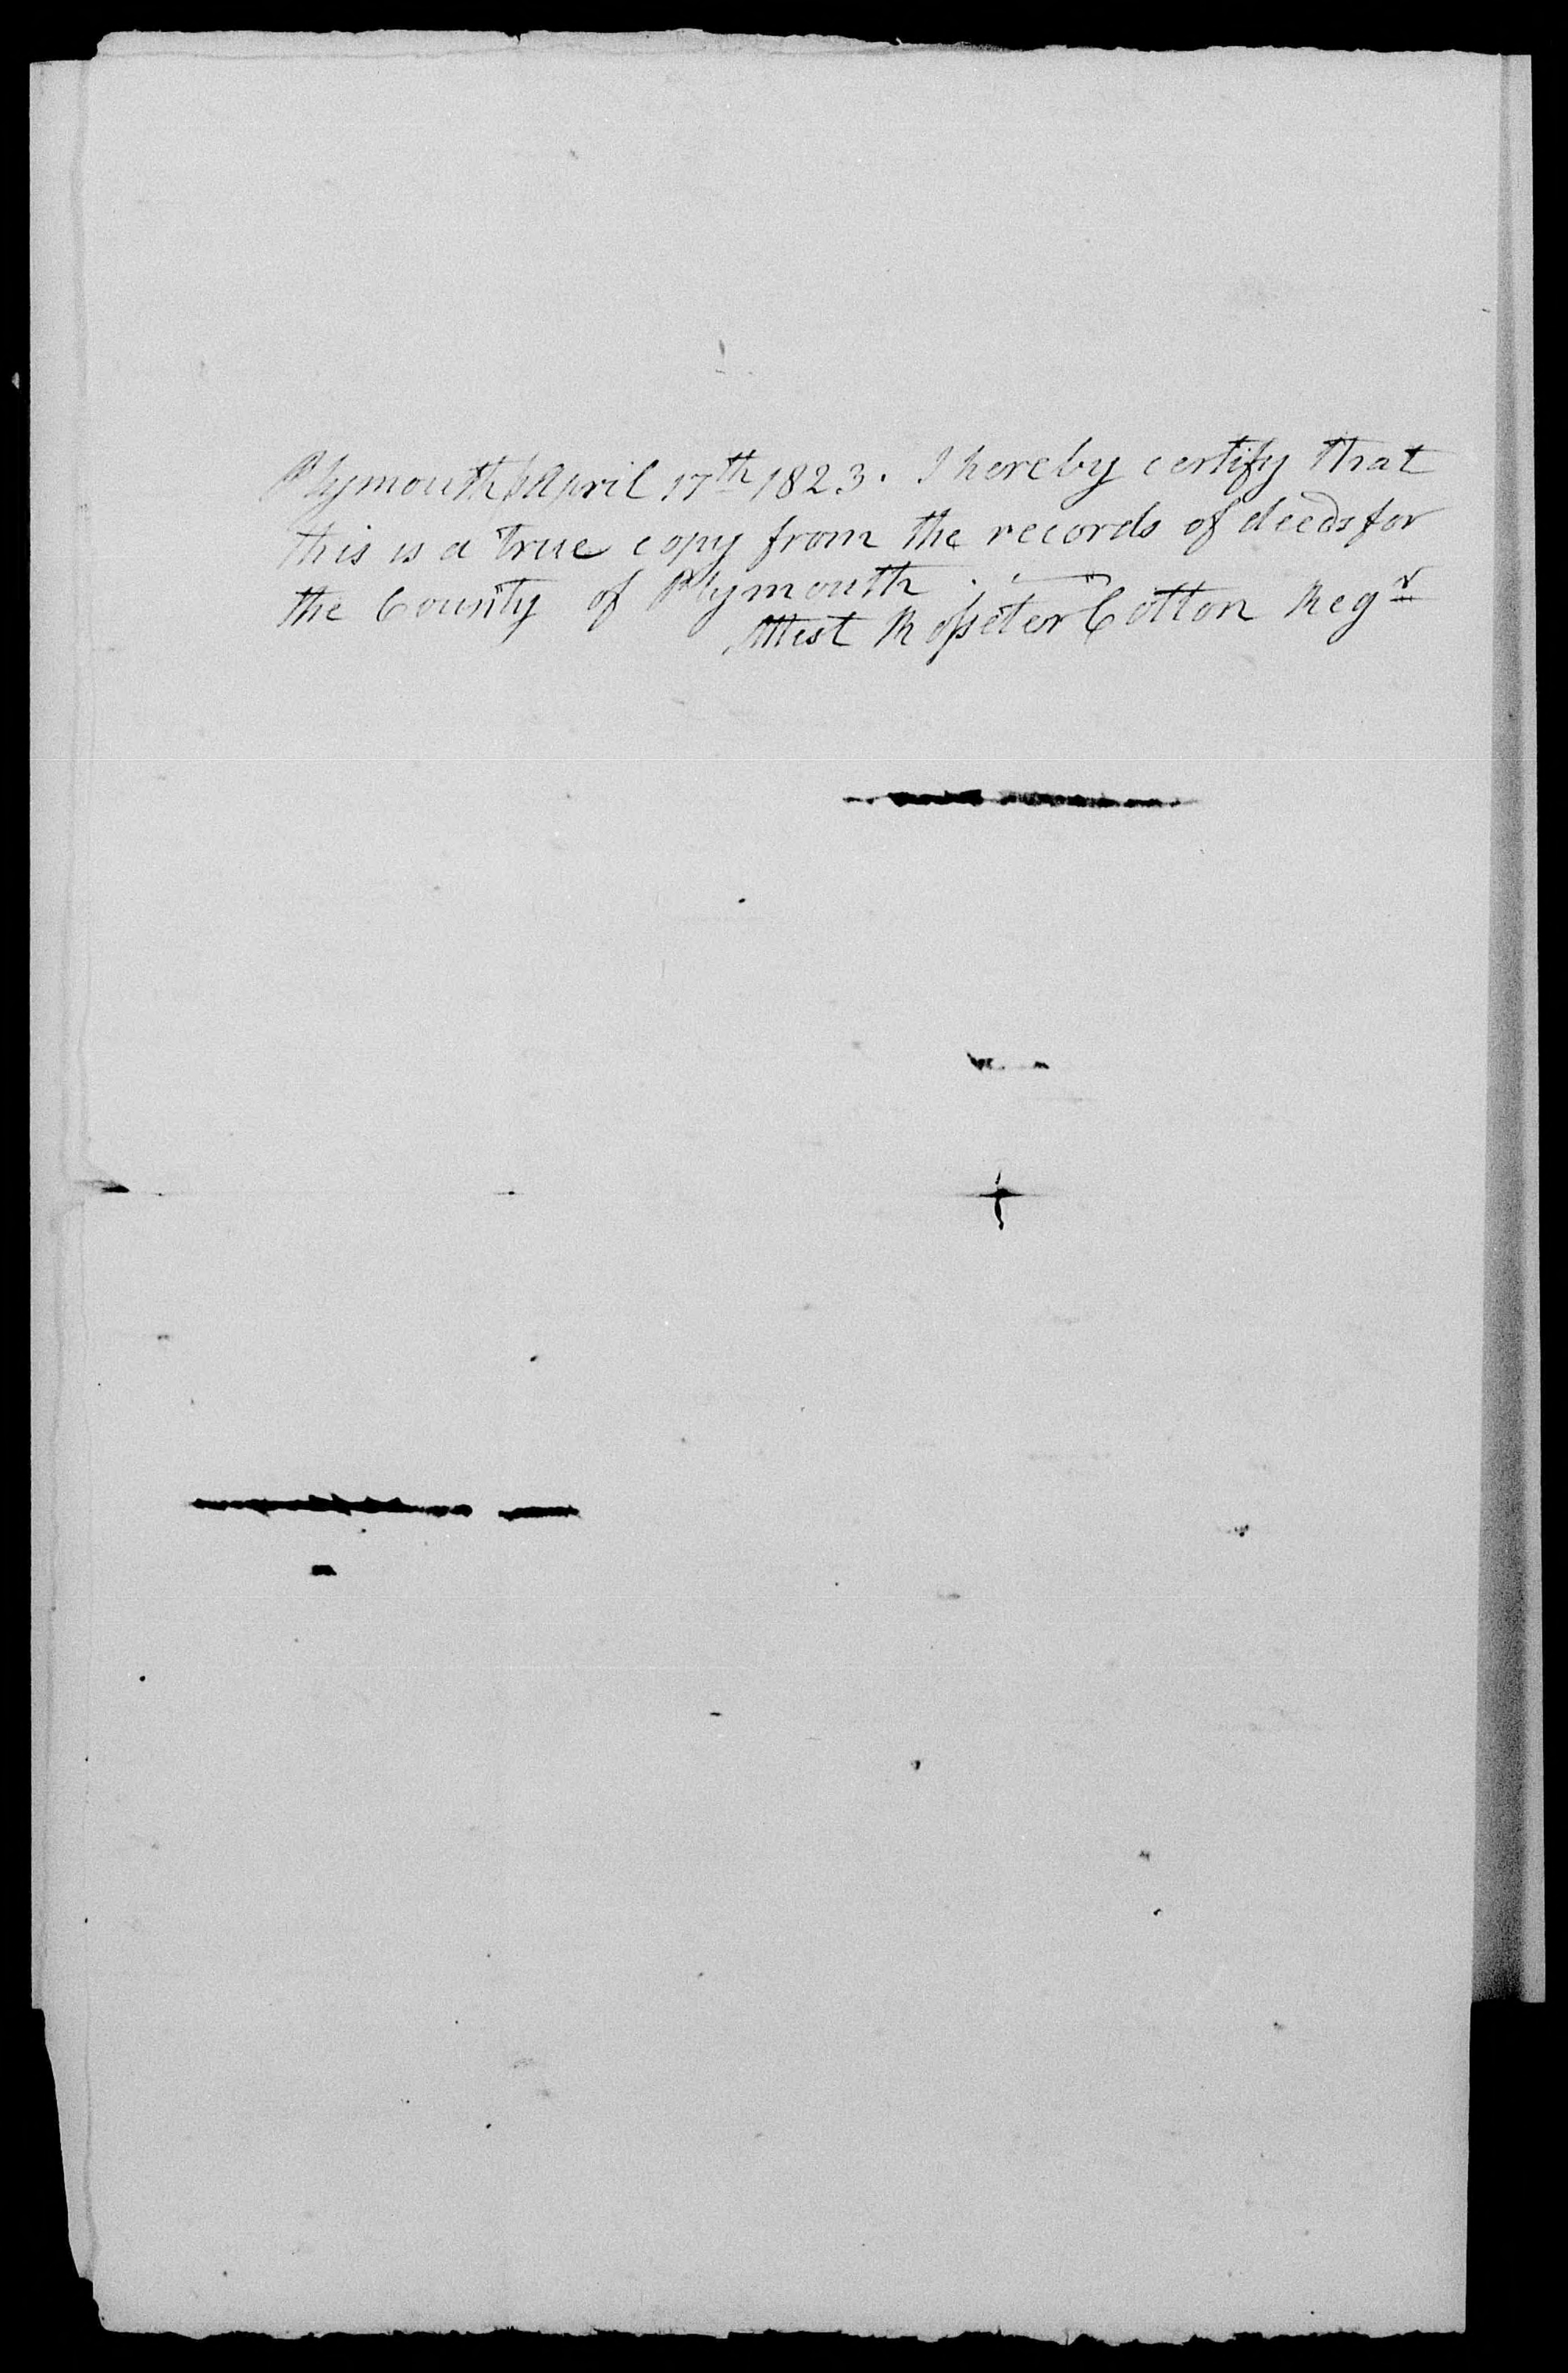Plymouth April 17th 1823. I hereby certify that
this is a true copy from the records of deeds for
the County of Plymouth
Attest Rossiter Cotton Reg'r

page: 50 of 82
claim: widow's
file: W. 13,634, for Rufus Lincoln, Massachusetts